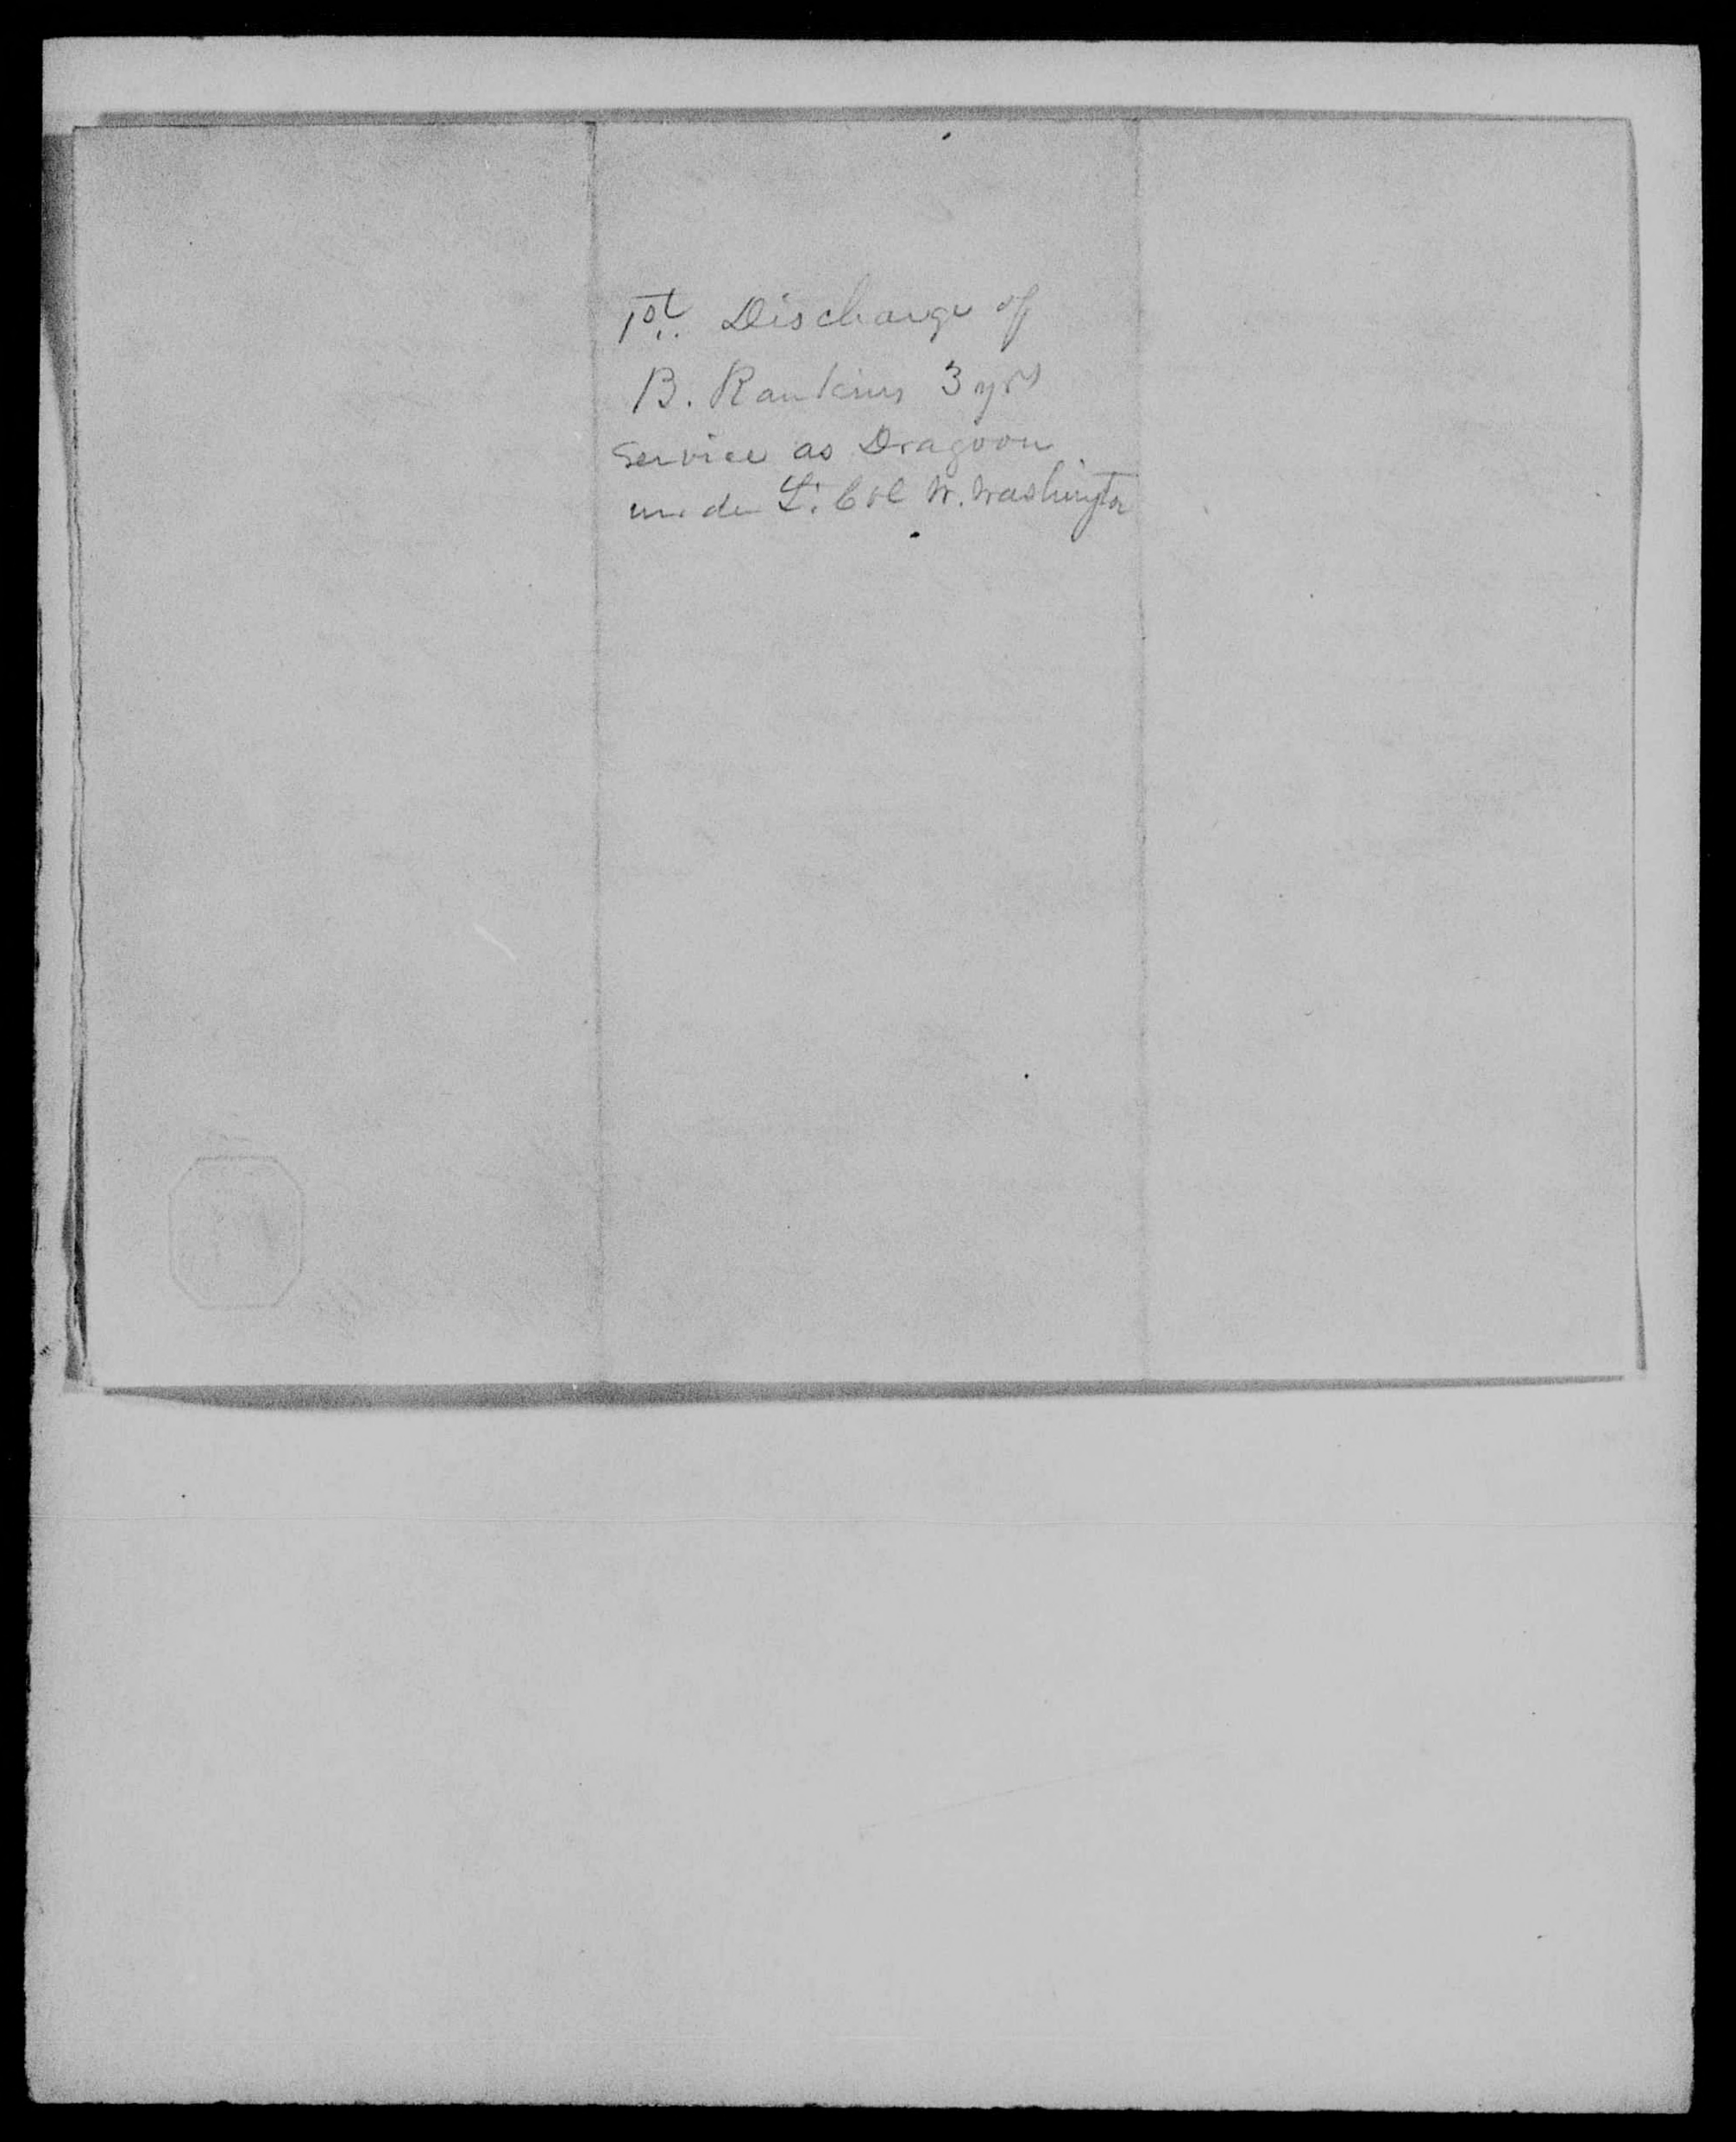1st Discharge of
B. Rankins 3 yrs
service as Dragoon
under Lt. Col W. Washington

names: W Washington, B Rankins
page: 30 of 84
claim: widow's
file: W. 7744, Daniel Hickey, Penn.